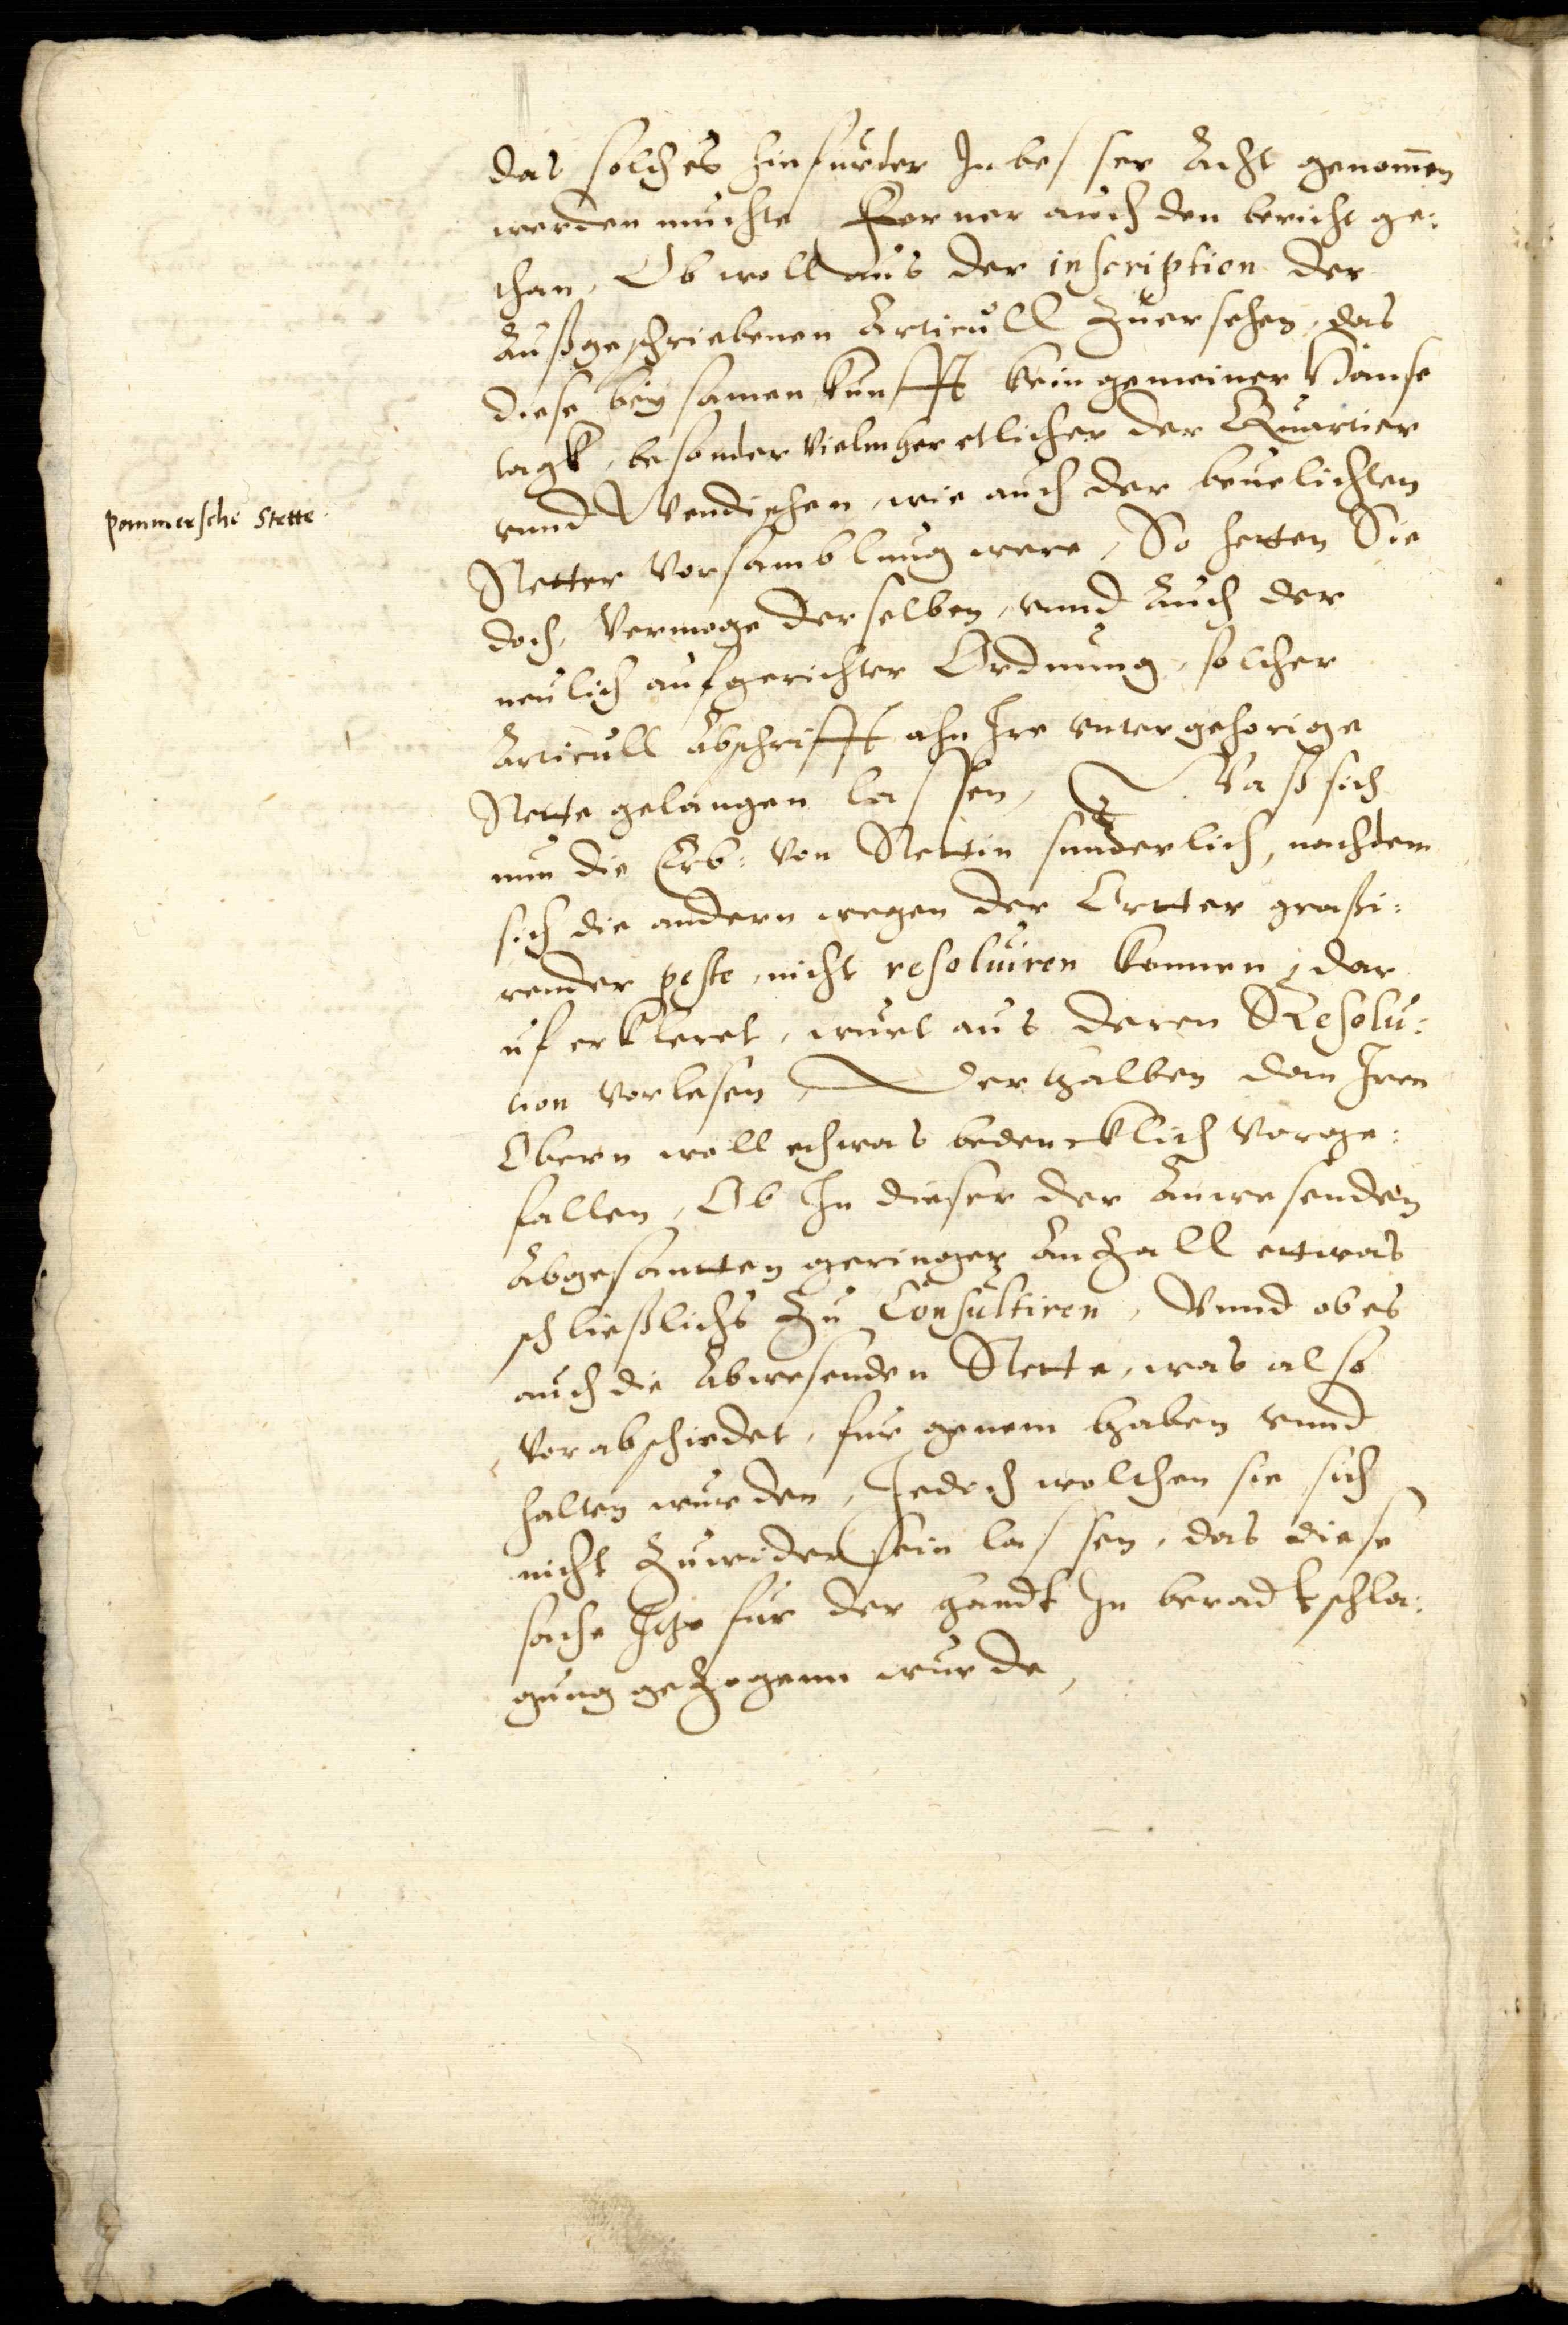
Pommersche Stette
das solches hinfurder Jn besser Acht genommen
werden muchte Ferner auch den bericht ge¬
than, Ob woll aus der inscription der
außgeschriebenen articull zu ersehen, das
diese beysamenkunfft kein gemeiner Hanse
tagk, besonder vielmher etlicher der Quartier
vnnd Wendischen, wie auch der beuelichten
Stetter vorsamblung were, So hetten Sie
doch vermoge derselben, unnd auch der
neulich aufgerichter Ordnung, solcher
Articull abschriftt ahn Jre vntergehorige
Stette gelangen lassen, Waß sich
nun die Erb: von Stettin sunderlich, nachdem
sich die andern wegen der Ortter graßi¬
render peste nicht resoluiren konnen, dar
uf erkleret, wurt aus deren Resolu¬
tion vorlesen, Derhalben dan Jren
Obern woll ethwas bedenklich vorge¬
fallen, Ob Jn dieser der Anwesenden
Abgesantten geringer Anzall ettwas
schließlichs zu Consultiren, Vnnd ob es
auch die Abwesenden Stette, was also
vorabschiedet, fur genem haben vnnd
halten wurden, Jedoch wolthen sie sich
nicht zuwider sein lassen, das diese
sache Jtzo fur der handt Jn beradtschla¬
gung gezogenn wurde,
